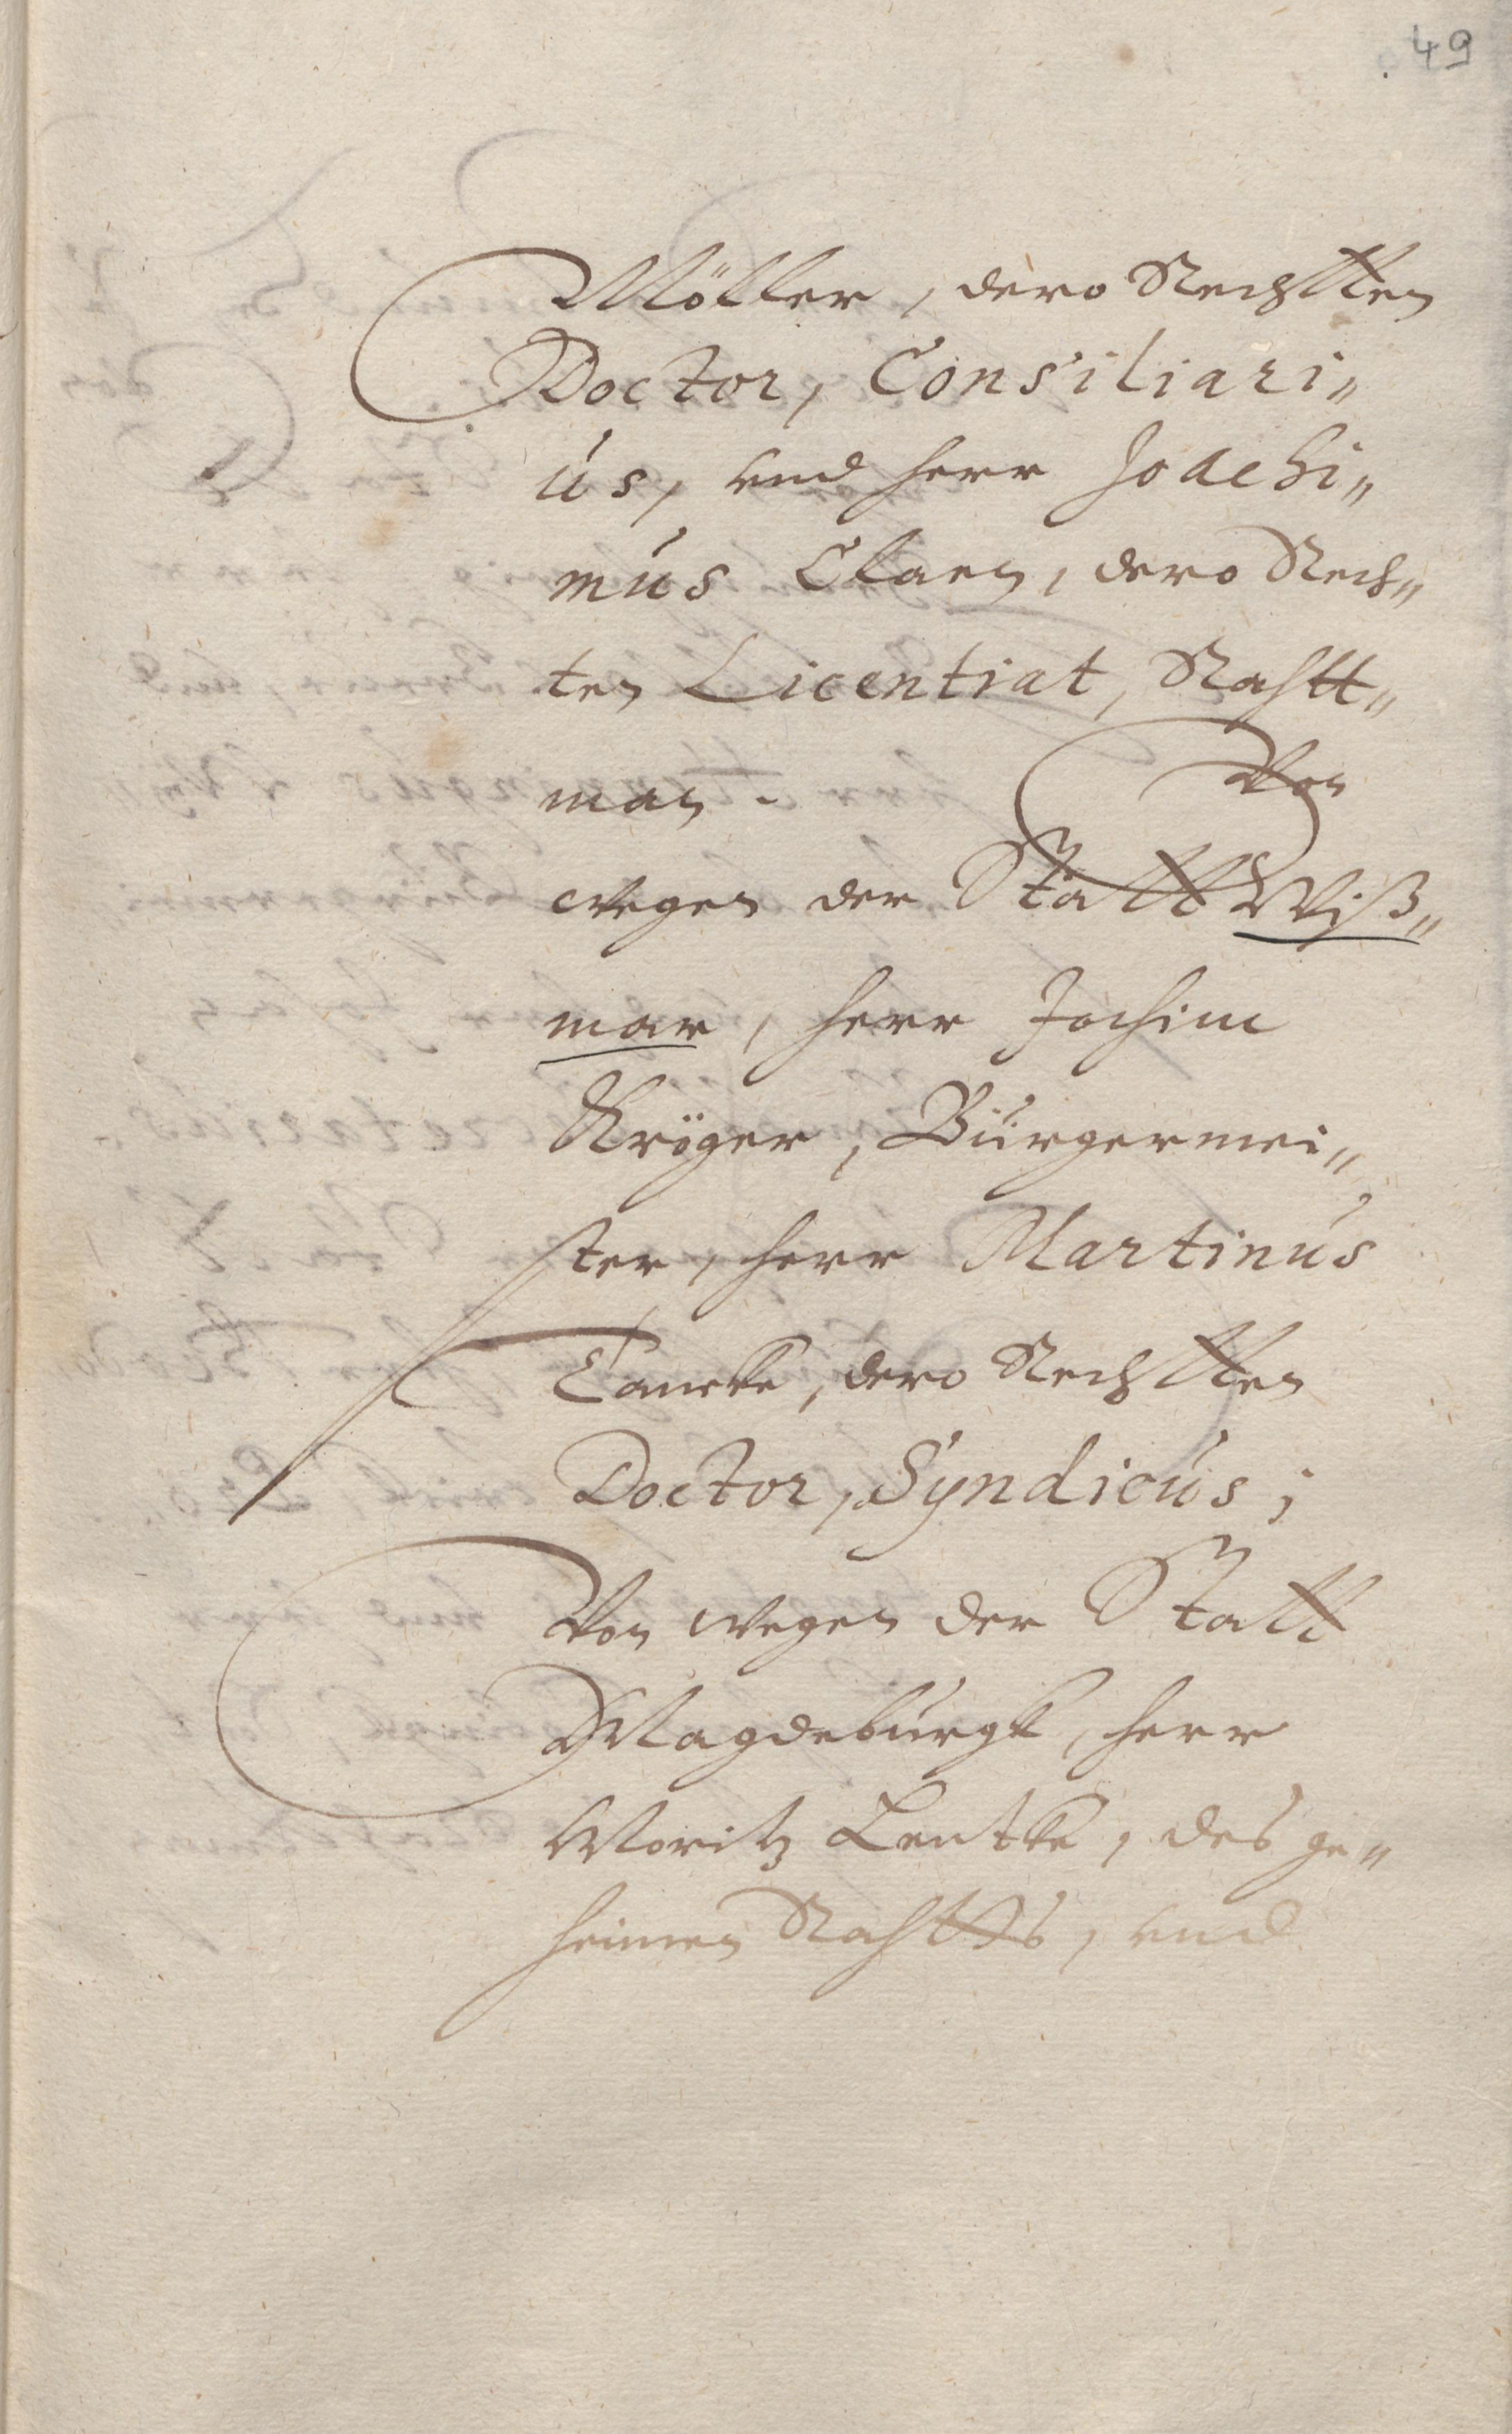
Möller, dero Rechtten
Doctor, Consiliari¬
us, vnd herr Joachi¬
mus Claen, dero Rech¬
ten Licentiat, Rahtt¬
Man. Von
wegen der Statt Wiß¬
mar, herr Jochim
Kröger, Bürgermei¬
ter, herr Martinus
Tancke, dero Rechtten
Doctor, Syndicus;
Von wegen der Statt
Magdeburgk, herr
Moritz Lentke, des ge¬
heimen Rahtts, vnd
